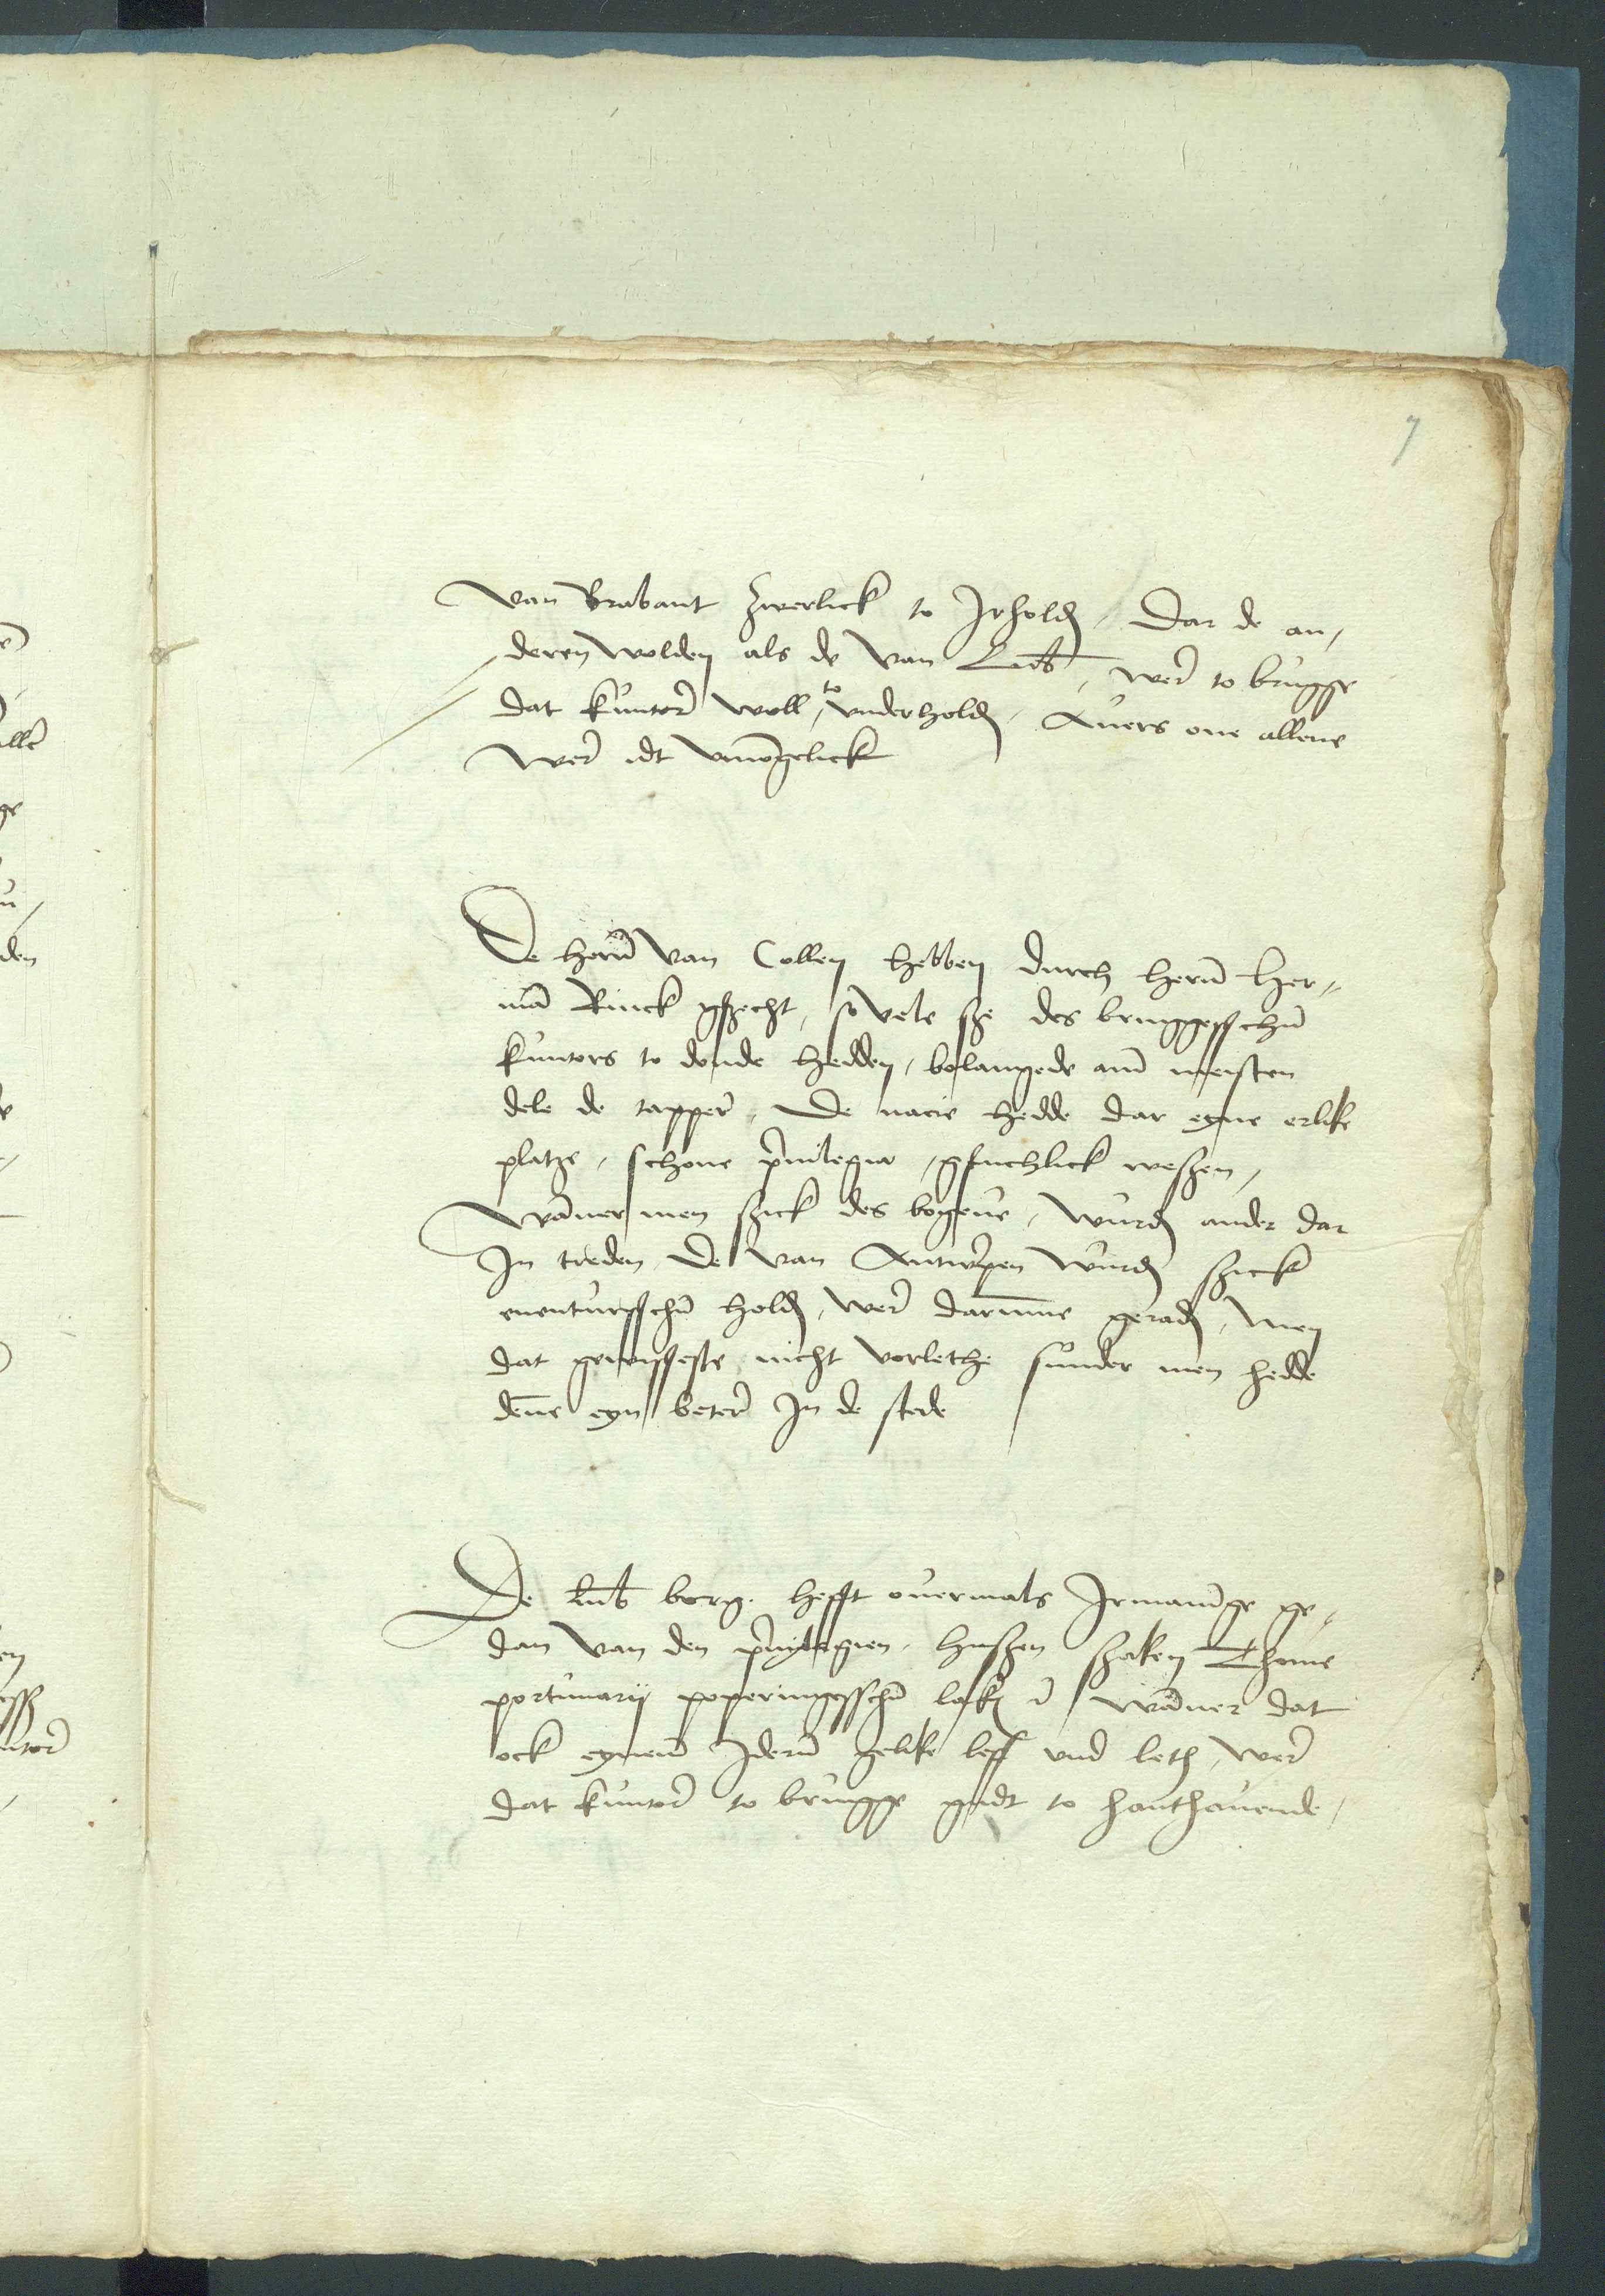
van Brabant zwerlick to Jrholden, Dat de an¬
deren wolden als de van Lubeck, were to brugge
dat kuntor woll to vnderholden, Auers one allene
were idt vmmogelick
De heren van Collen hebben durch heren her¬
men Rinck gßecht, so vele ße des bruggesschen
kuntors to doende hedden, bolangede am mesten¬
dele de tapper, De natie hedde dar eyne erlike
platze, schone privilegia, gfuchlick weßen,
wanner men ßick des bogeue, wurden ander dar
Jn treden, de van Antwerpen wurden ßick
euenturisschen holden, were darumme geraden, men
dat gewisseste nicht vorlethen sunder men hedde
denne eyn beter Jn de stede
De lubeckesche borgermester hefft ouermals Jrmaninge ge¬
dan van den priuilegien, hußen ßaken Thome
protunarij poperingesschen laken etcetera wanner dat
ock eynenm Jderen gelike vnd leth were
dat kuntor to brugge gudt to hanthauende
